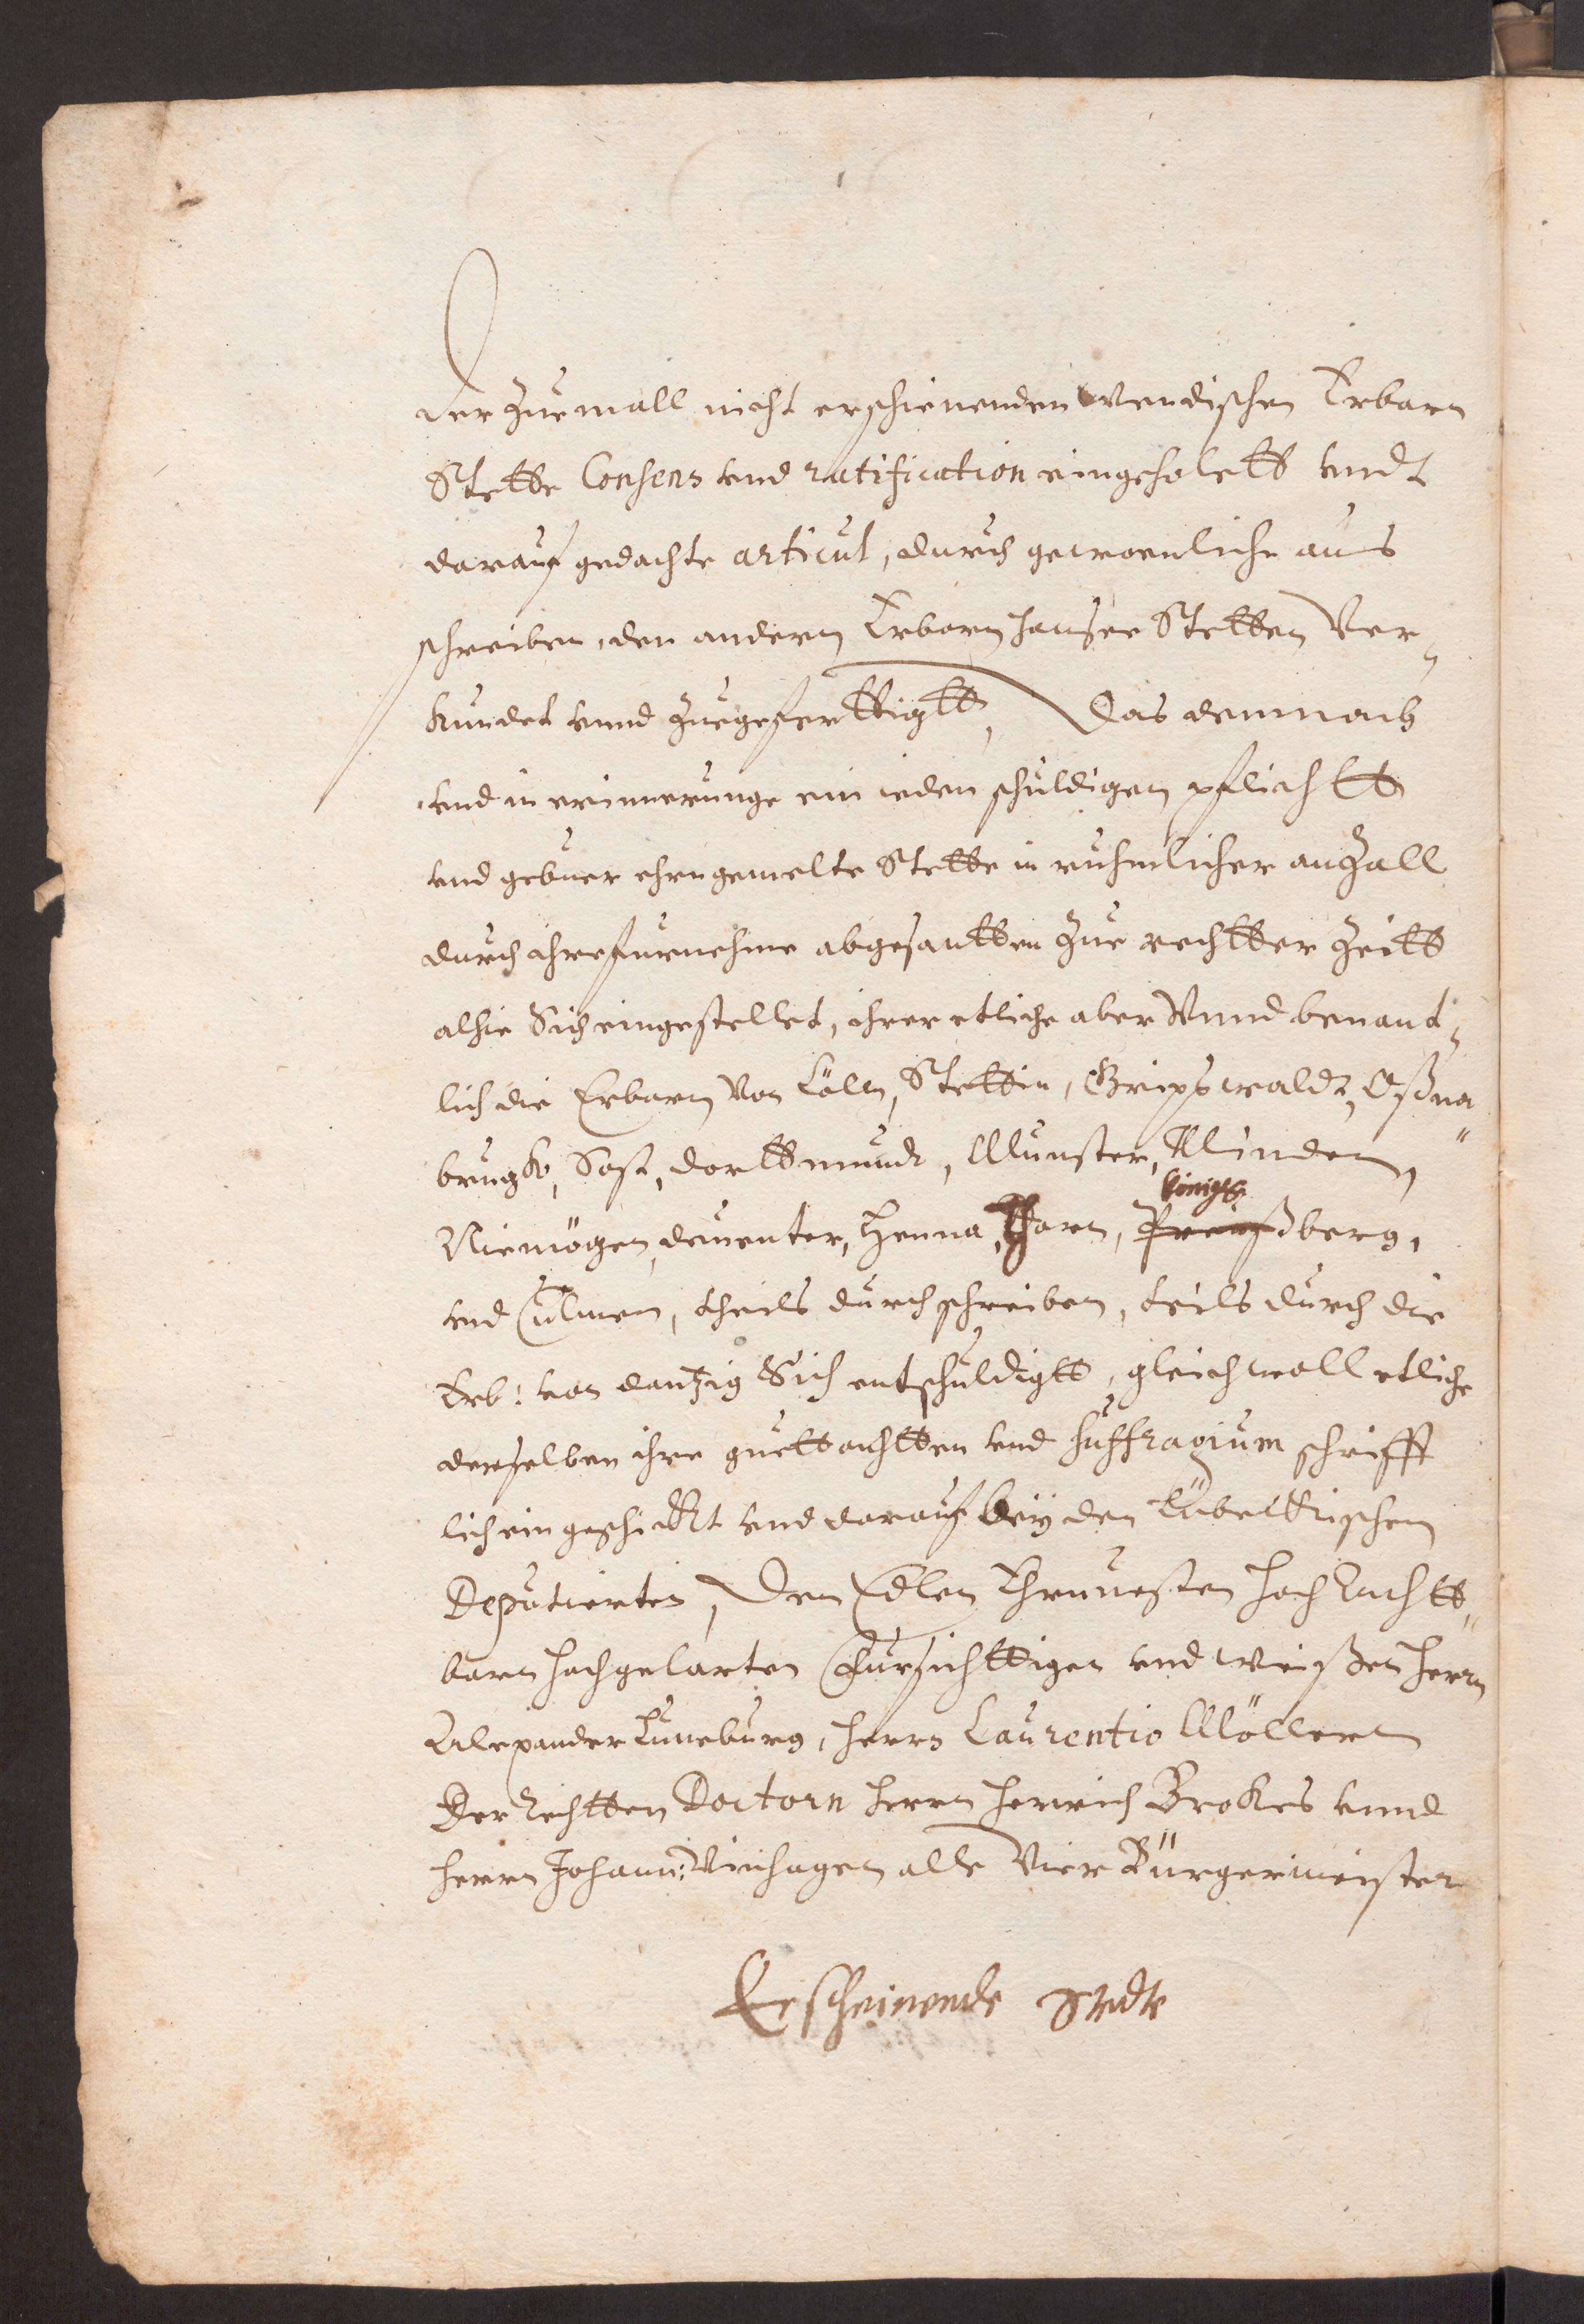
der zuemall nicht erschienenden Wendischen Erbarn
Stette Consens vnd ratification eingeholett vndt
darauf gedachte articul, durch gewoenliche aus
schreiben, den andern Erbarn hansee Stetten Ver¬
kundet vnnd zuegeferttigtt, Das demnach
vnd in erinnerunge ein ieden schuldigen pflichtt
vnd gebuer ehrn gemelte Stette in ruhmlicher anzall
durch ihre furnehme abgesantten zue rechtter zeitt
alhie Sich eingestellet, ihrer etliche aber vnnd benant¬
lich die Erbarn von Cölln, Stettin, Gripswaldt, Oßna¬
brugk, Sost, dorttmund, Munster, Minden,
Niemögen, deuenter, Henna, Thorn, Preuß Königsberg,
vnd Culmen, theils durch schreiben, teils durch die
Erb: von dantzig Sich entschuldigtt, gleichwoll etliche
derselben ihre guettachtten vnd suffragium schrifft
lich eingeschickt vnd darauf bey den Lübeckischen
Deputierten, Den Edlen Ehrnuesten hochachtt¬
barn hochgelarten Fursichttigen vnd weißen herrn
Alexander Luneburg, herrn Laurentio Möllern
Der rechtten Doctorn herrn herrich Brokes vnnd
herrn Johann: Vinhagen alle vier Bürgermeister
Erscheinende Stedte
